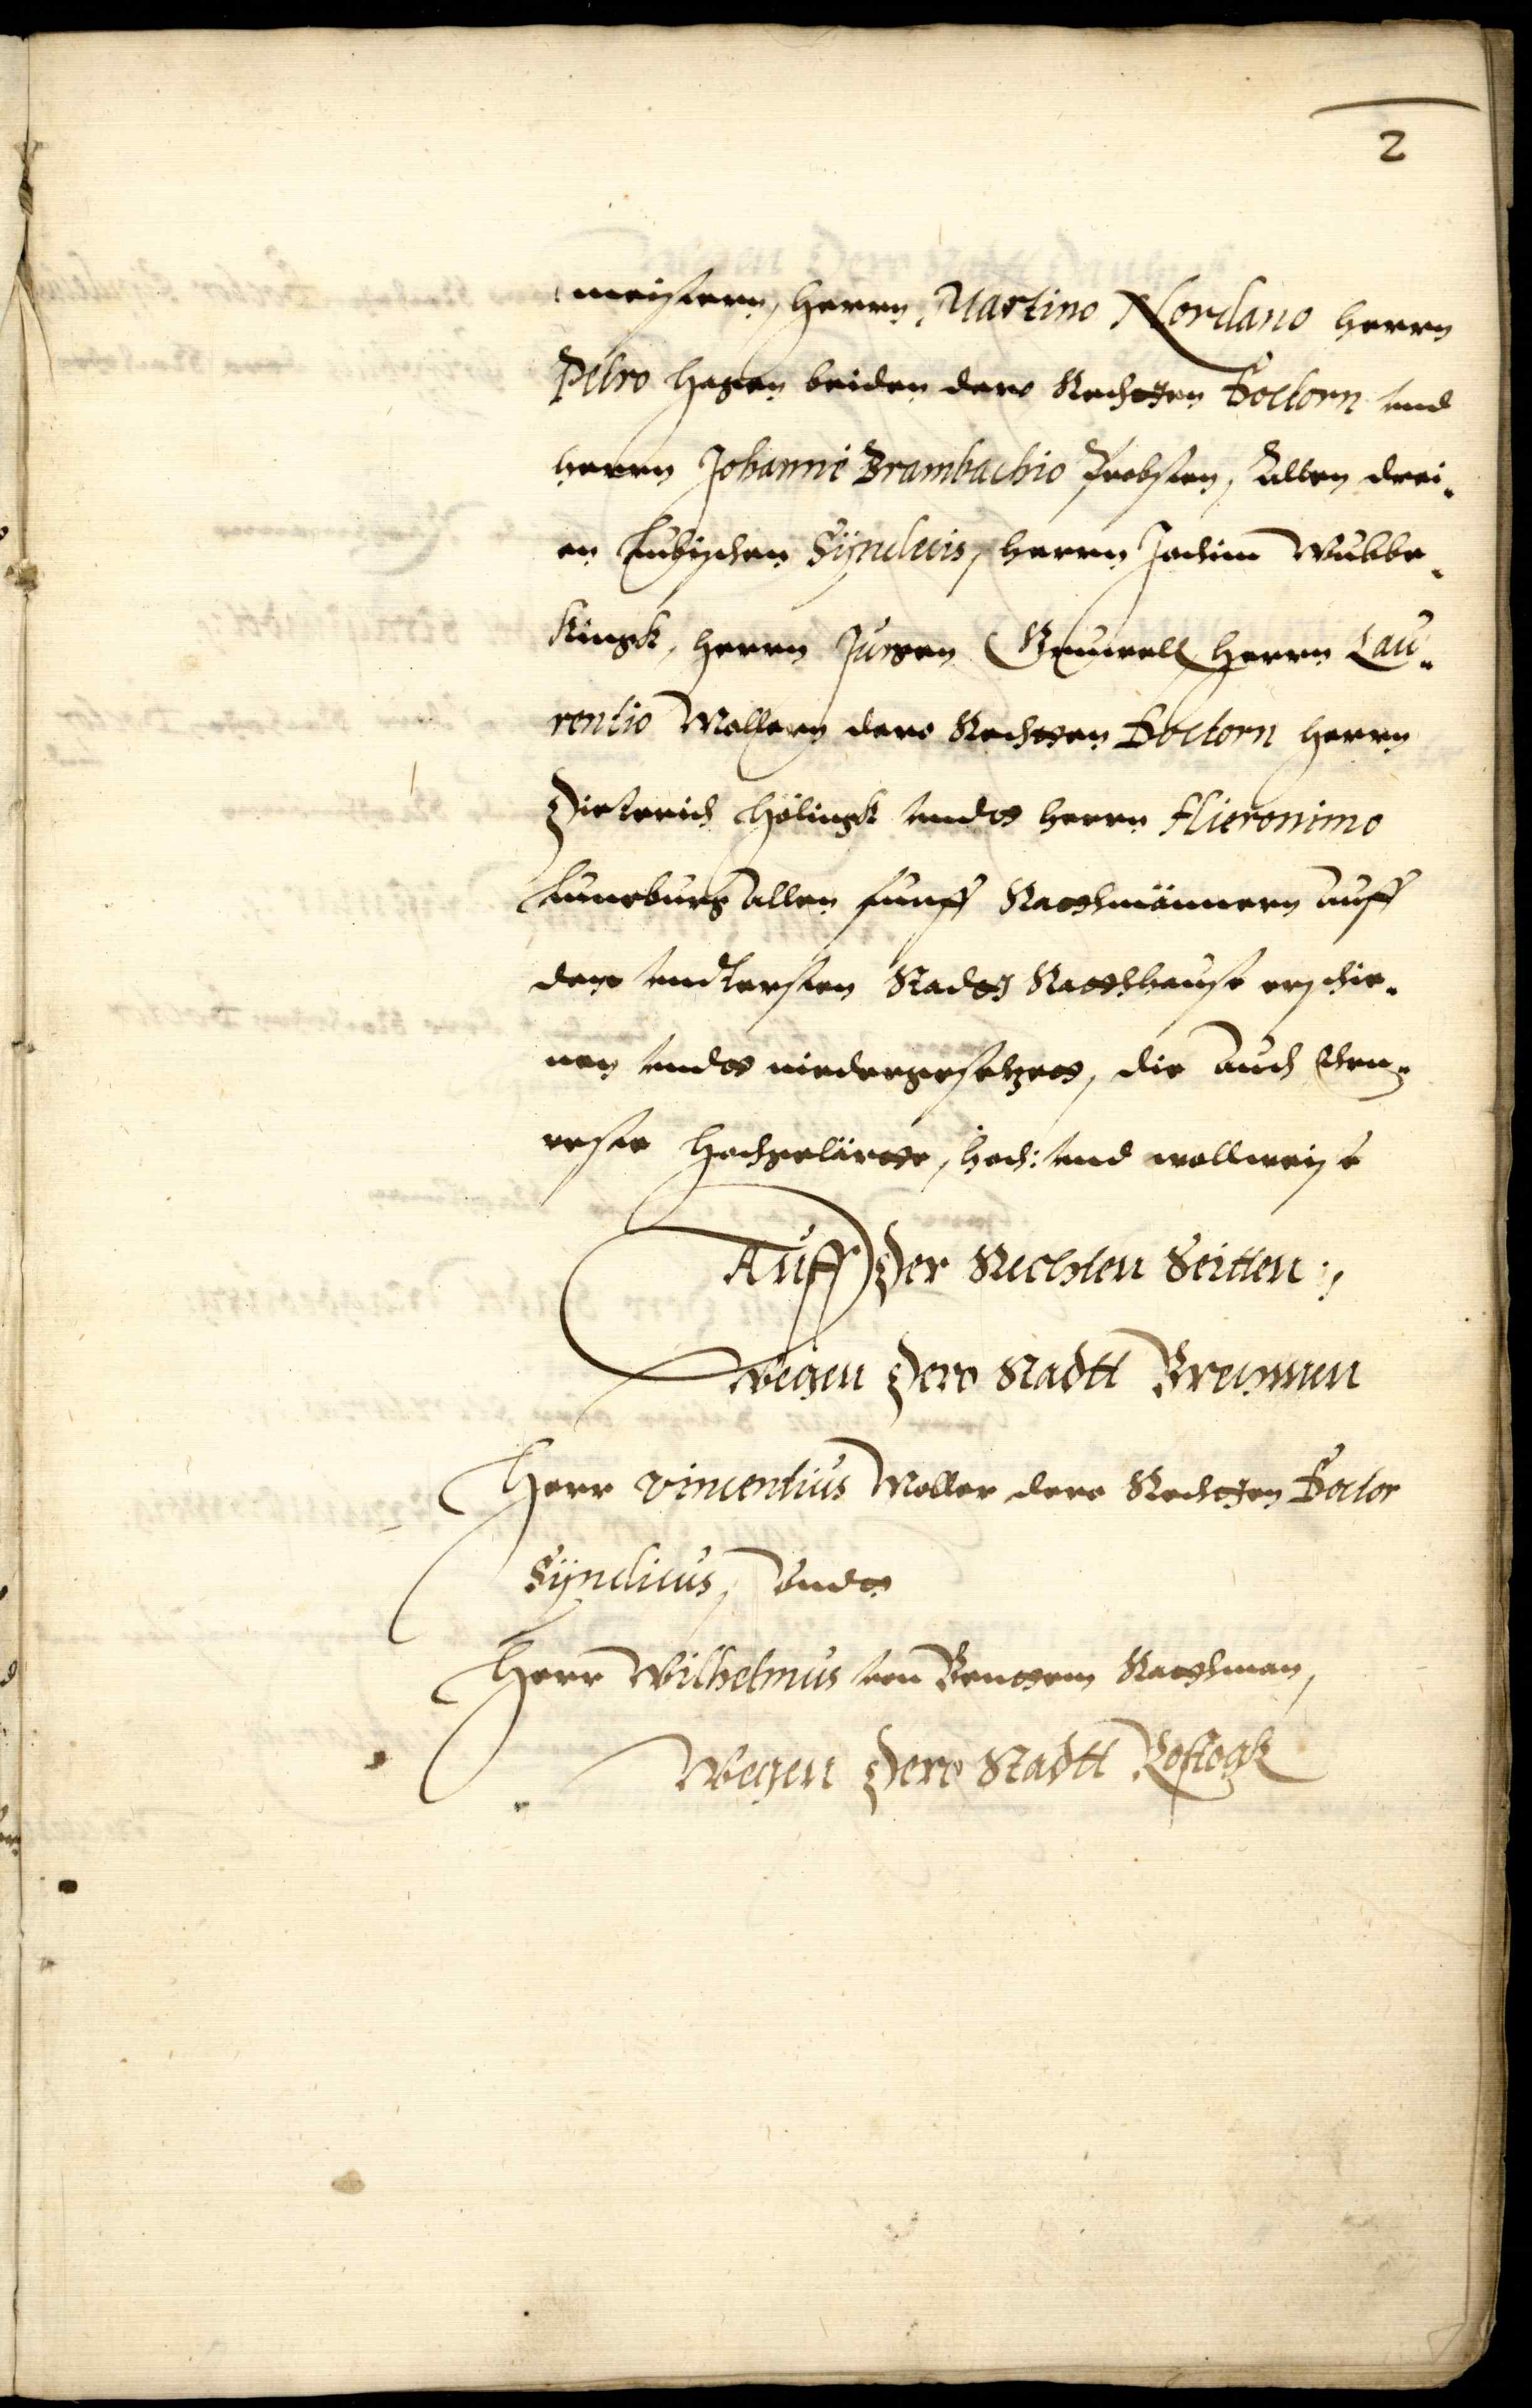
2
meistern, Herrn Martino Nordano Herrn
Petro Hagen beiden dero Rechtten Doctorn vnd
Herrn Johanni Brambachio Probsten, Allen drei¬
en Lubischen Sijndecis, Herrn Jochim Wubbe¬
kingk, Herrn Jurgen Gruwell, Herrn Lau¬
rentio Mollern dero Rechtten Doctorn Herrn
Dieterich Hölingk vndtt herrn Hieronimo
Luneburg allen funff Ratthmännern auff
dero vndtersten Statt Ratthhause erschie¬
nen vndtt niedergesetzett, die auch Ehren¬
veste Hochgelärtte, hoch: vnd wollweise
Auff der Rechten Seitten;
Wegen dero Stadtt Bremen
Herrn Vincentius Moller dero Rechtten Doctor
Sijndicus, Vndtt
Herr Wilhelmus von Benttem Ratthman,
Wegen der Stadtt Rostogk
